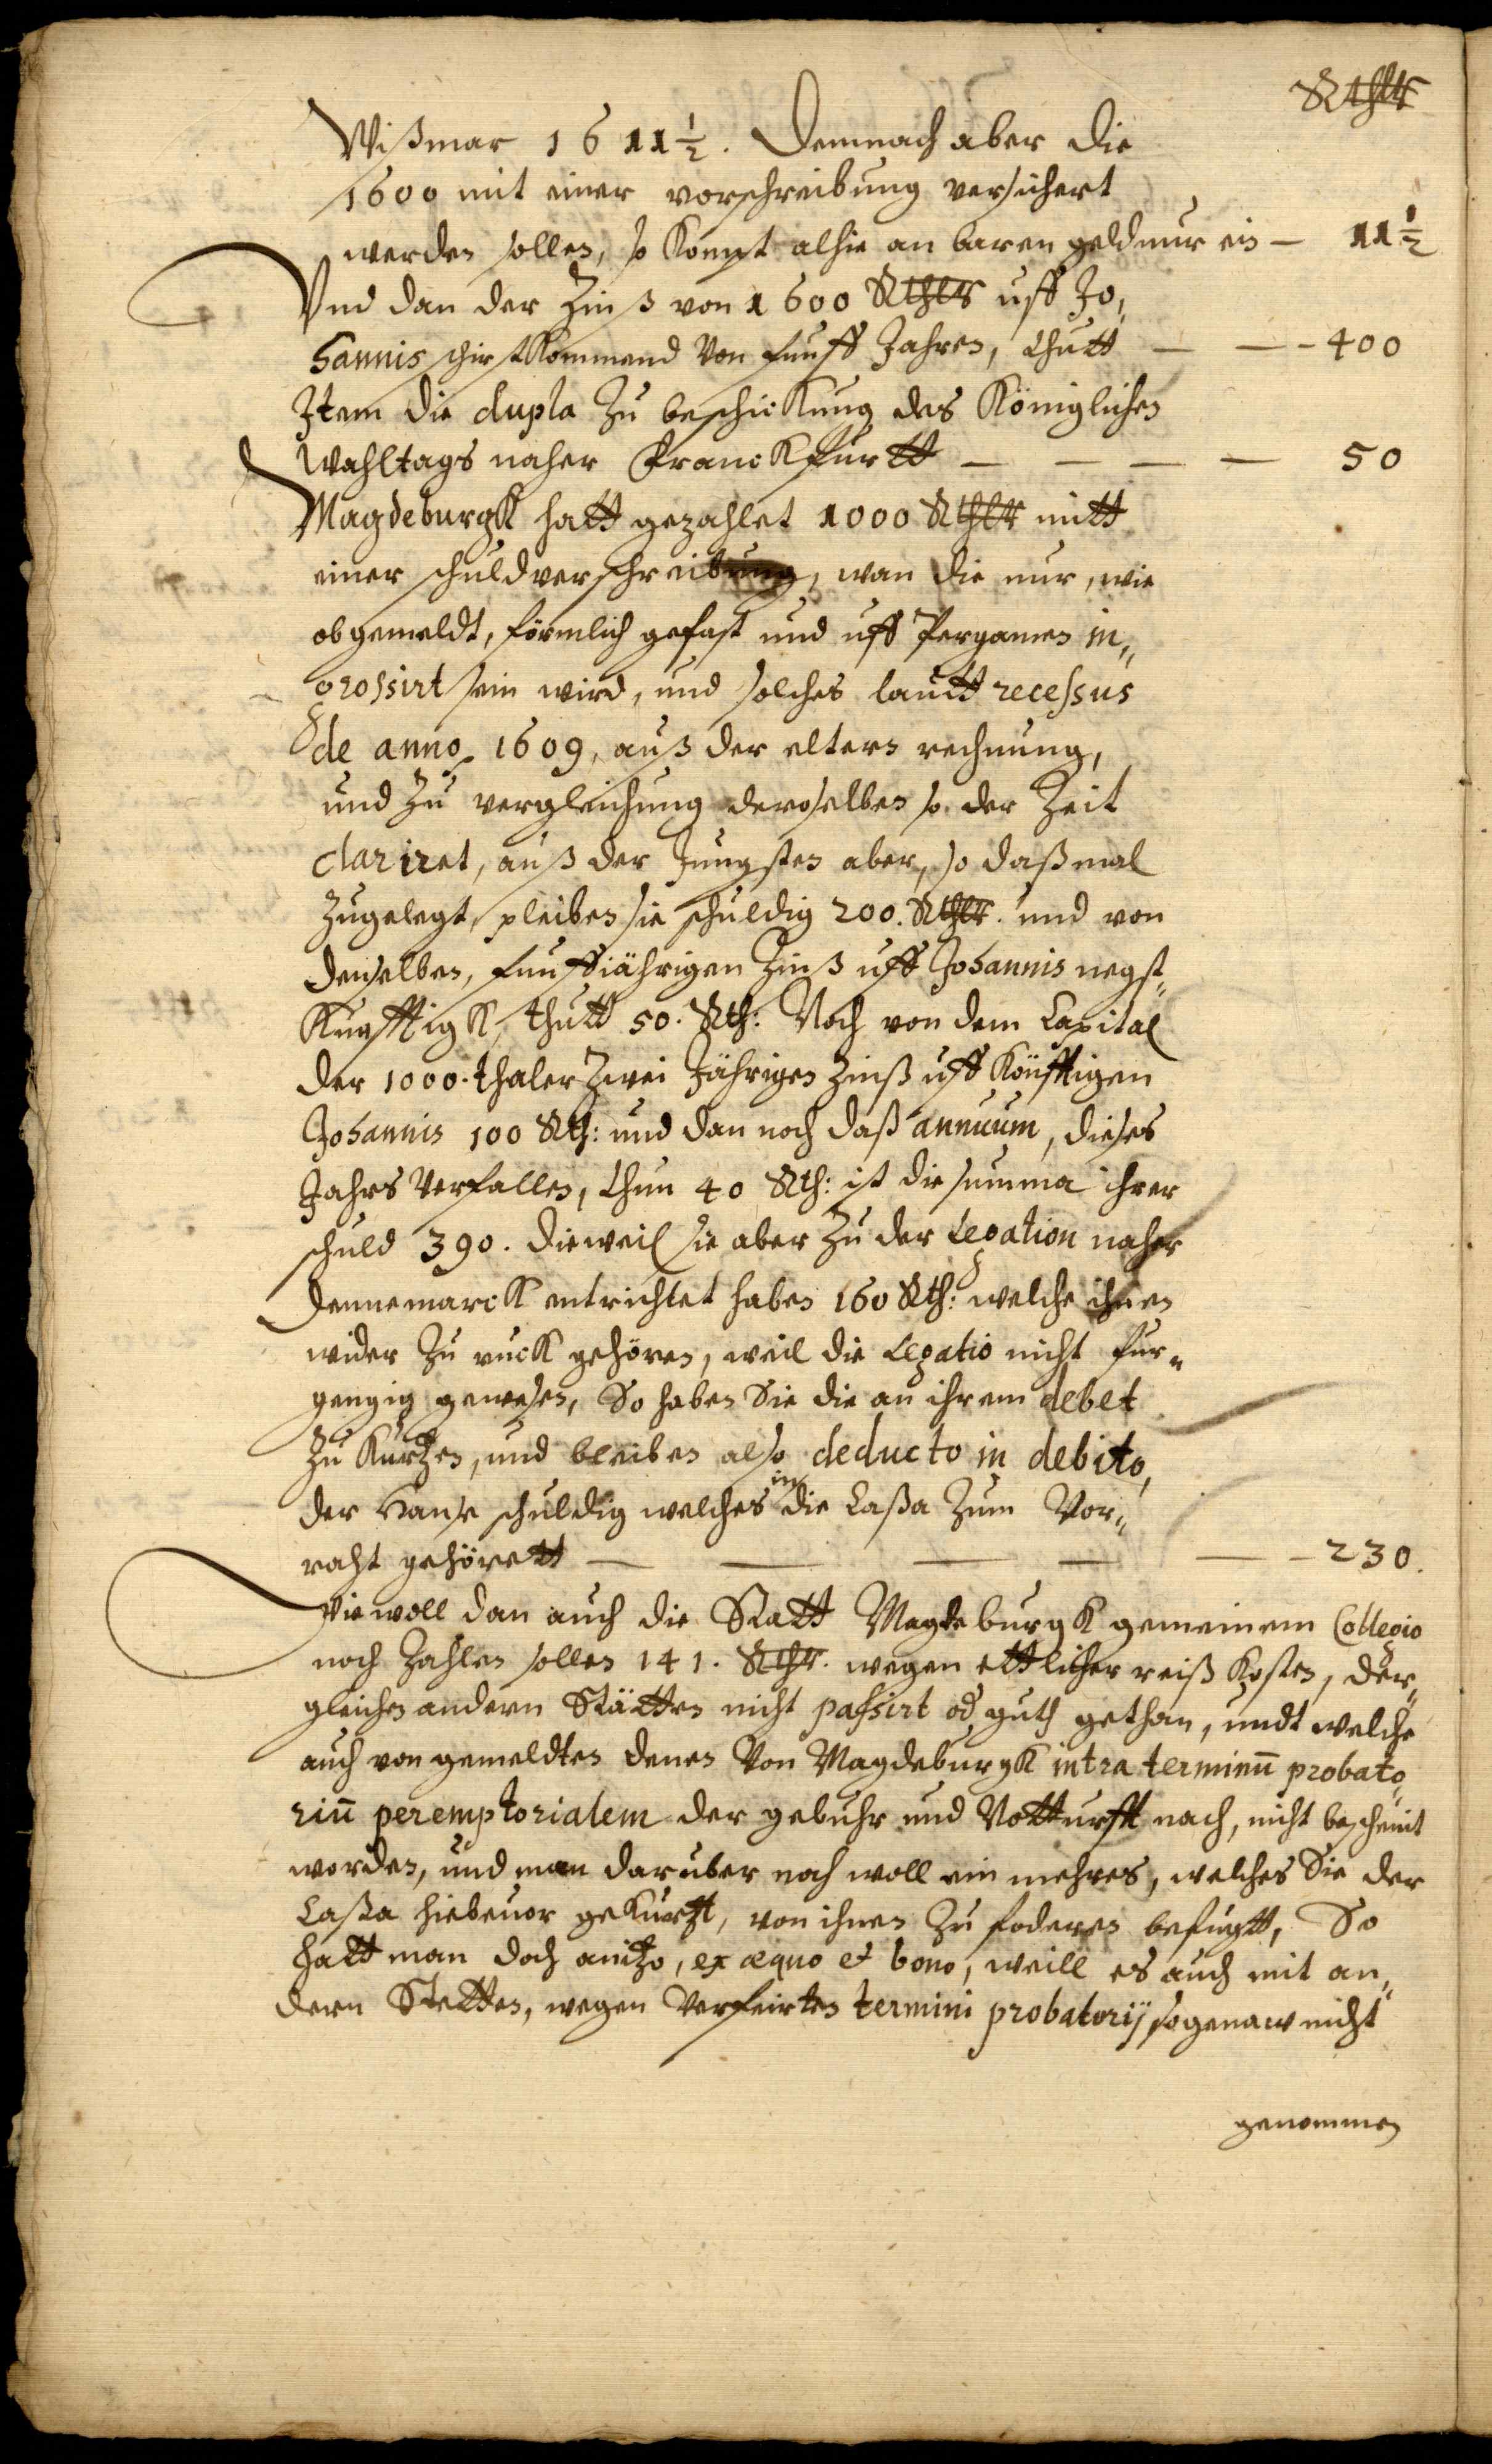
Rthlr
Wißmar 1611½. Demnach aber die
1600 mit einer vorschreibung versichert
werden sollen, so konnt alhie an baren geld nur ein - 11 1/2
Vnd dan der Zinß von 1600 Rthlr uff Jo¬
hannis schirstkommend von funff Jahren, thutt - - - 400
Item die dupla zu beschickung des Königlichen
Wahltags naher Franckfurtt - - - - 50
Magdeburgk hatt gezahlet 1000 Rthlr mitt
einer schuldverschreibung, wan die nur, wie
obgemeldt, förmlich gefast und uff Pergamen in¬
grossirt sein wird, und solches lautt recessus
de anno 1609, auß der eltern rechnung,
und zu vergleichung deroselben so der Zeit
clariret, auß der Jungsten aber, so daß mal
zugelegt, pleiben sie schuldig 200. Rthlr. und von
denselben, funffiährigen Zinß uff Johannis negst¬
kunfftigk thutt 50 Rth: Noch von dem Capital
der 1000. thaler zwei Jährigen zinß uff könfftigen
Johannis 100 Rth: und dan noch daß annuum, dieses
Jahrs verfallen, thun 40 Rth: ist die summa ihrer
schuld 390. Dieweil sie aber Zu der Legation naher
Dennemarck entrichtet haben 160 Rth: welche ihnen
wider zu ruck gehören, weil die Legatio nicht fur¬
gengig gewesen, So haben Sie die an ihrem debet
zu kurtzen, und bleiben also deducto in debito,
der Hanse schuldig welches in die Caßa zum Vor¬
raht gehörett - - - - - - 230.
Wiewoll dan auch die Statt Magdeburgk gemeinem Collegio
noch zahlen sollen 141. Rthr. wegen ettlicher reißkosten, der¬
gleichen andern Stätten nicht passirt oder guth gethan, undt welche
auch von gemeldten denen von Magdeburgk intra terminu probato¬
riu peremptorialem der gebuhr und Notturfft nach, nicht bescheint
worden, vnd man daruber noch woll ein mehres, welches Sie der
Caßa hiebeuor gekurzt, von ihnen zu forderen befugtt, So
hatt man doch anitzo, ex aequo et bono, weill es auch mit an¬
dern Stetten, wegen verfeirten termini probatorij, so genaw nicht
genommen
